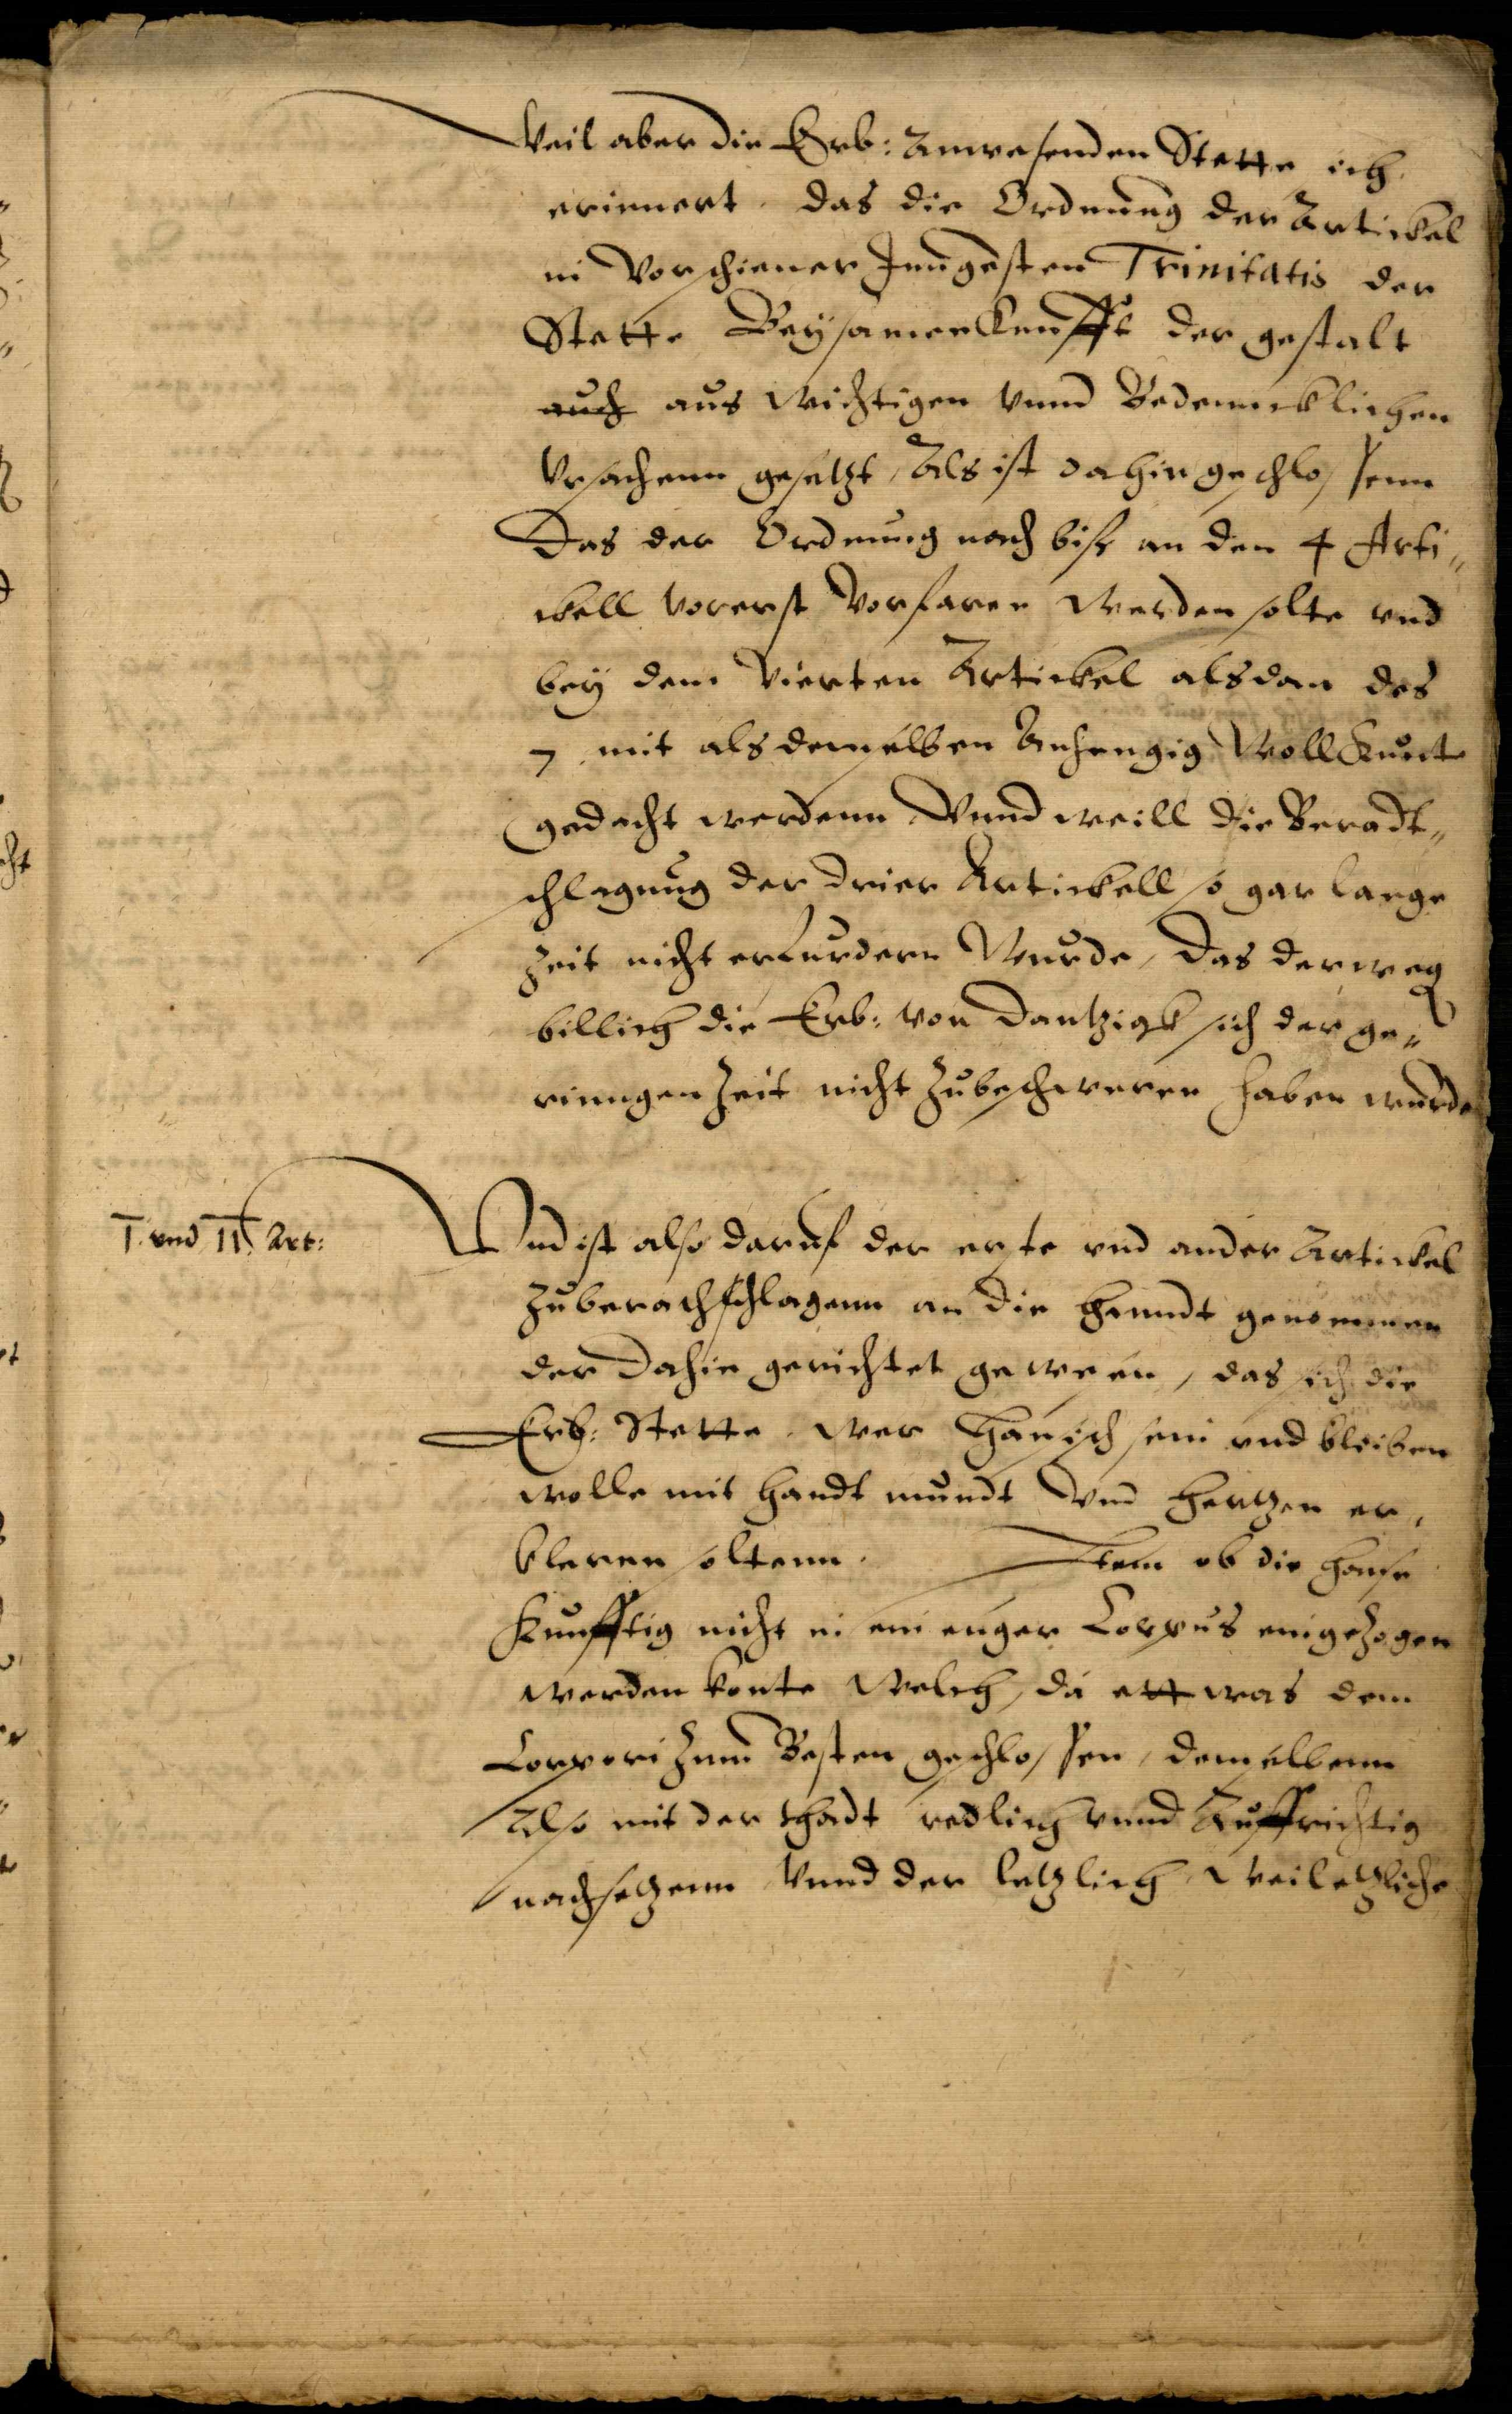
Weil aber die Erb: Annwesenden Stette sich
erinnert das die Ordnung der der Artikel
in Vorschiener Jungesten Trinitatis der
Stette Beijsamenkunfft der gestalt
auch aus Wichtigen Vnnd Bedenncklichen
Vrsachenn gesetzt, Als ist Dahin geschlossen
Das der Ordnung nach biß an den 4 Arti¬
ckell Vorerst Vorfaren Werden solte vnd
beij dem Vierten Artickel alsdan des
7 mit als demselben Anhengig Woll Kunt
gedacht werdenn, Vnnd weill die Beradt¬
schlagung der drier Artickell so gar lange
Zeit nicht erfurdern Wurde, Das Derwegen
billich die Erb: von Dantzigk sich der ge¬
rinngen Zeit nicht Zubeschweren haben wurde
I. vnd II Art:
Vnd ist also daruf der erste vnd ander Artickel
Zu berachschlagenn an die Handt genommen
der Dahin gerichtet gewesen, das sich die
Erb: Stette wer Hansisch sein vnd bleiben
wolle mit Handt mundt vnd Herzen er¬
klerenn soltenn. Item ob die Hanse
Kunfftig nicht in ein enger Corpus eingezogen
werden konte Welch, da ettwas dem
Copori Zum Besten geschlosen, demselbenn
Also mit der thadt redlich Vnnd Auffrichtig
nachsetzenn, Vnnd der letzlich, weil etzliche
